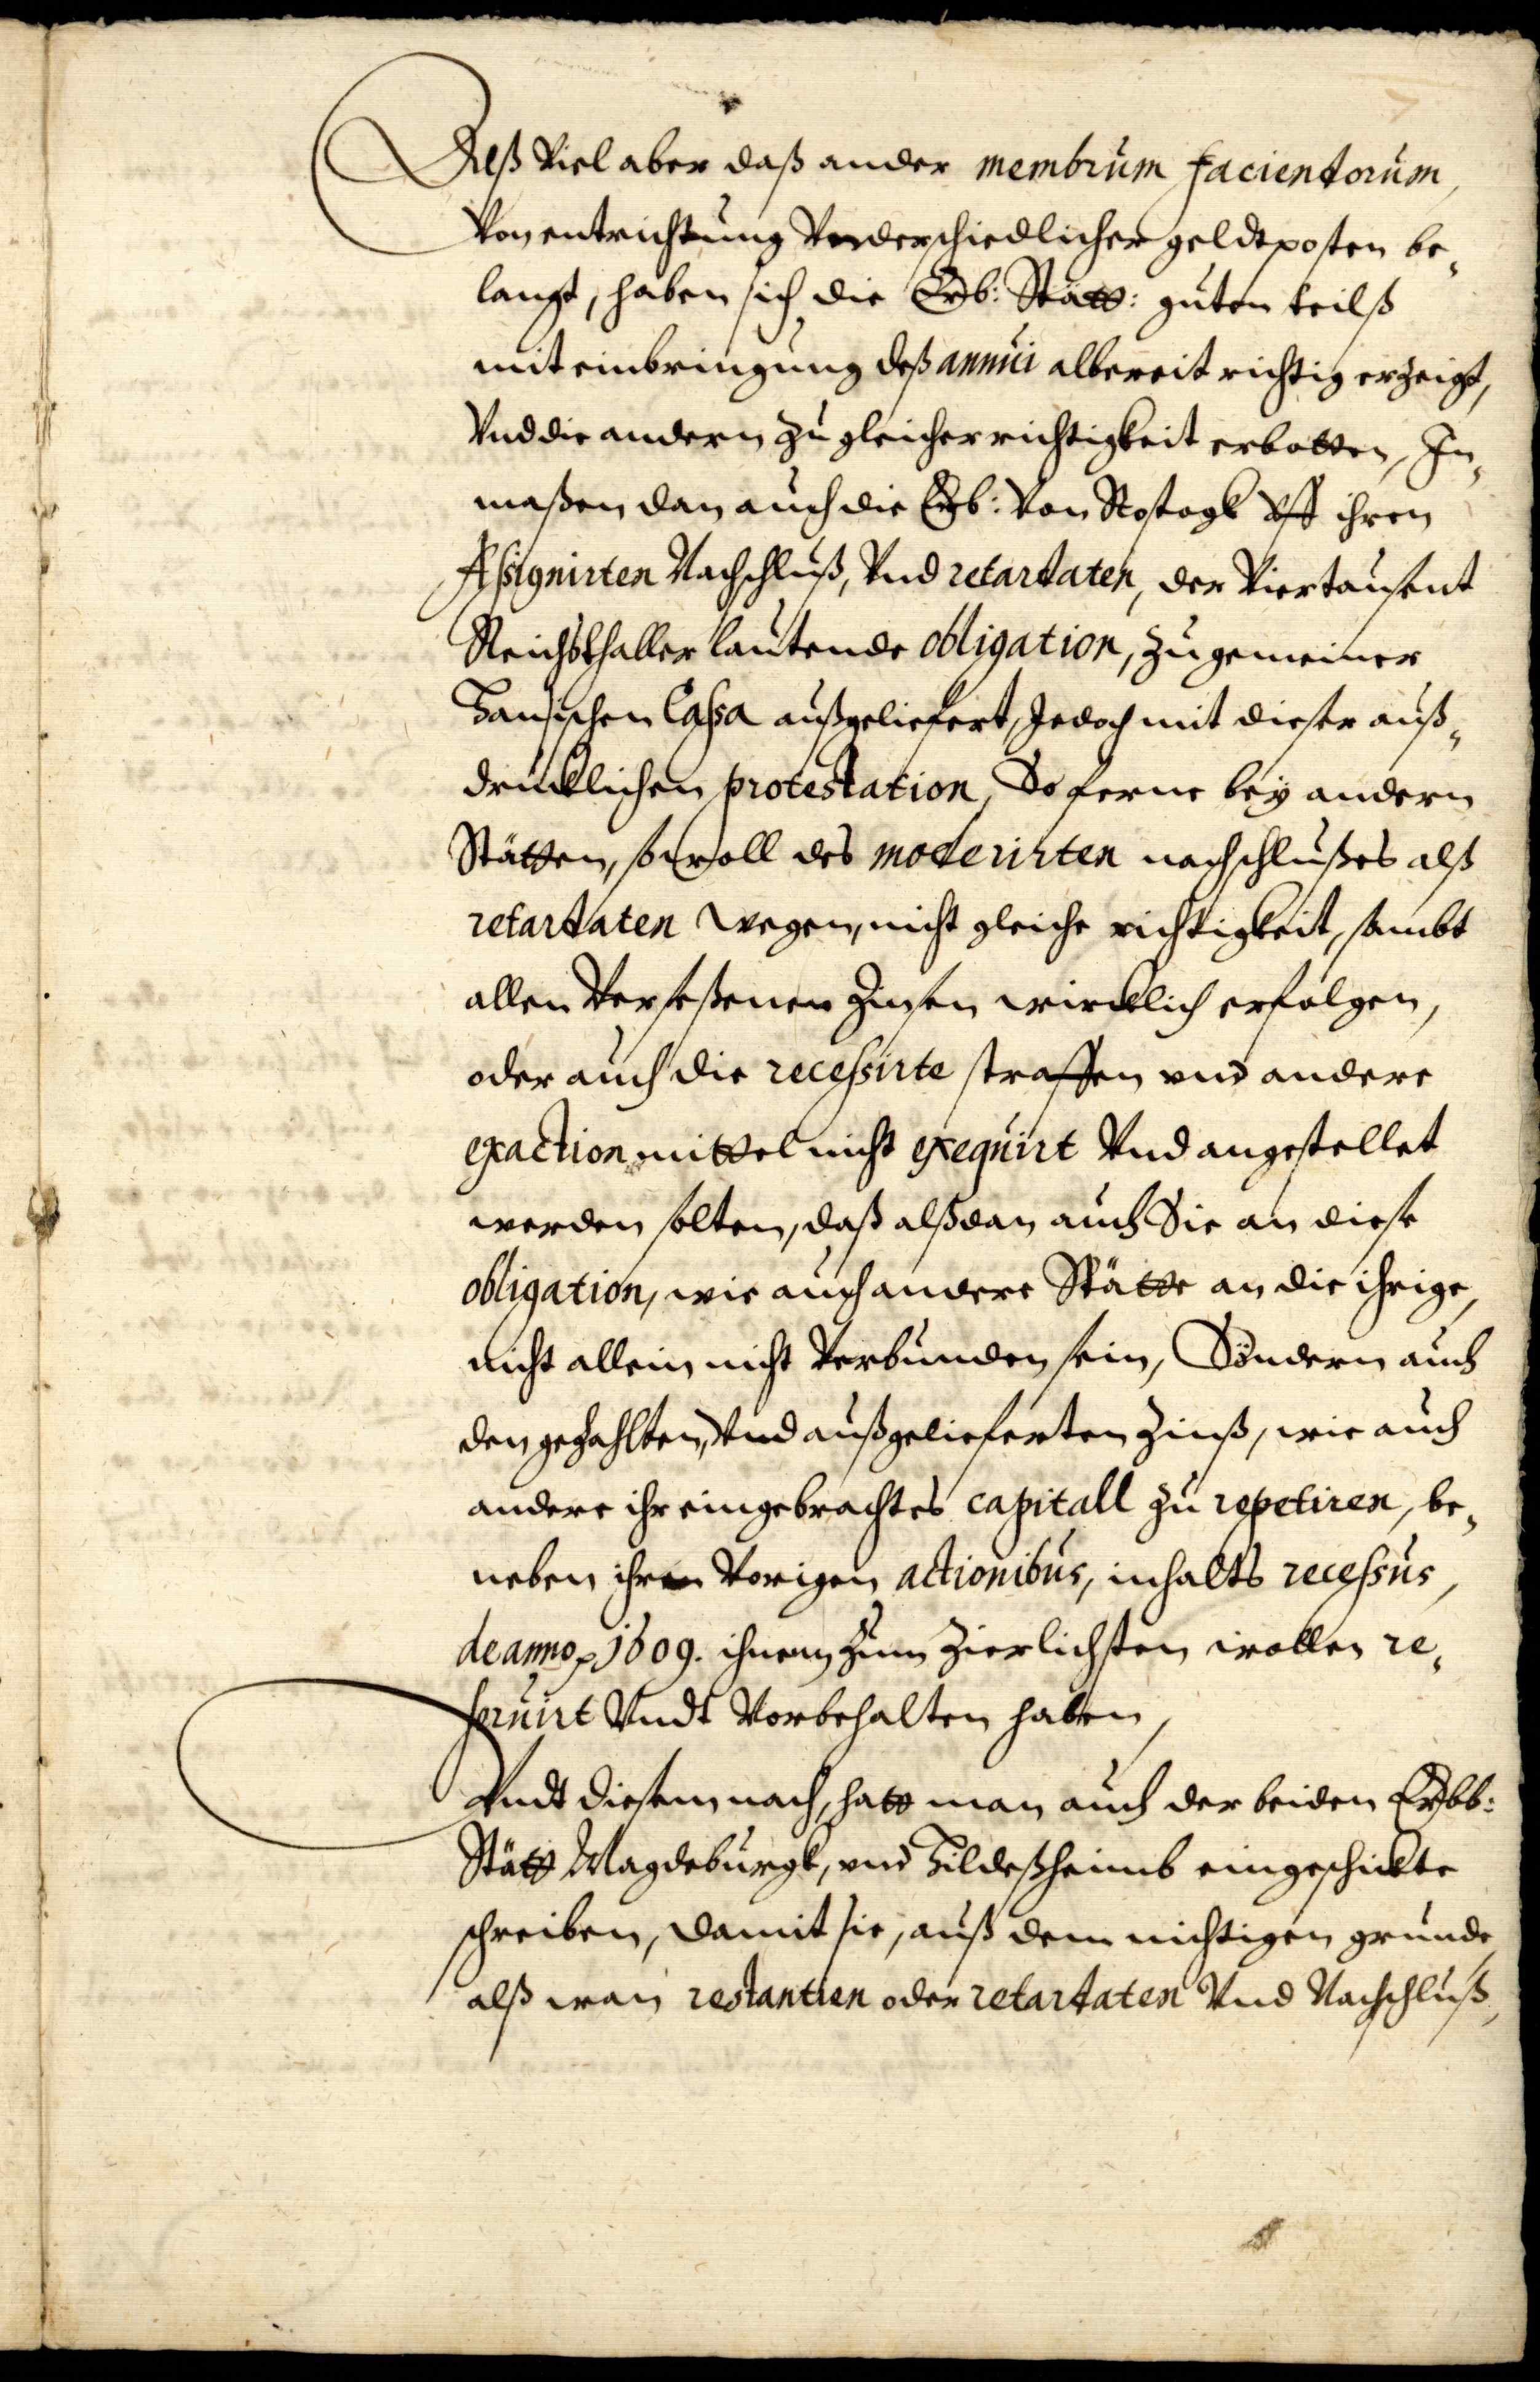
7
Alß viel aber daß ander membrum faciendorum,
Von entrichtung vnderschiedlicher geldtposten be¬
langt, haben sich die Erb: Stätt: guten teilß
mit einbringung deß annui albereit richtig erzeigt,
Vnd die andern zu gleicher richtigkeit erbotten, In¬
maßen dan auch die Erb: von Rostogk vf ihren
Assignirten Nachschluß, Vnd retardaten der Viertausent
Reichsthaller lautende obligation, Zu gemeiner
Hansischen Cassa außgeliefert, Jedoch mit dieser auß¬
drucklichen protestation, So ferne beij andern
Stätten, sowoll des moderirten nachschlußes alß
retardaten wegen, nicht gleiche richtigkeit, sambt
allen Verseßenen Zinsen wircklich erfolgen,
oder auch die recessirte straffen vnd andere
exaction mittel nicht exequirt vnd angestellet
werden solten, daß alßdan auch Sie an diese
obligation, wie auch andere Stätte an die ihrige,
nicht allein nicht Verbunden sein, Sondern auch
den gezahlten, vnd außgelieferten Zinß, wie auch
andere ihr eingebrachtes capitall zu repetiren, be¬
neben ihren Vorigen actionibus, inhalts recessus
de anno p 1609. ihnen zum zierlichsten wollen re¬
seruirt vndt vorbehalten haben,
Vndt diesem nach, hatt man auch der beiden Erbb:
Stätt Magdeburgk, vnd Hildeßheimb eingeschickte
schreiben, damit sie, auß dem nichtigen grunde
alß wan restantien oder retardaten vnd Nachschluß¬
